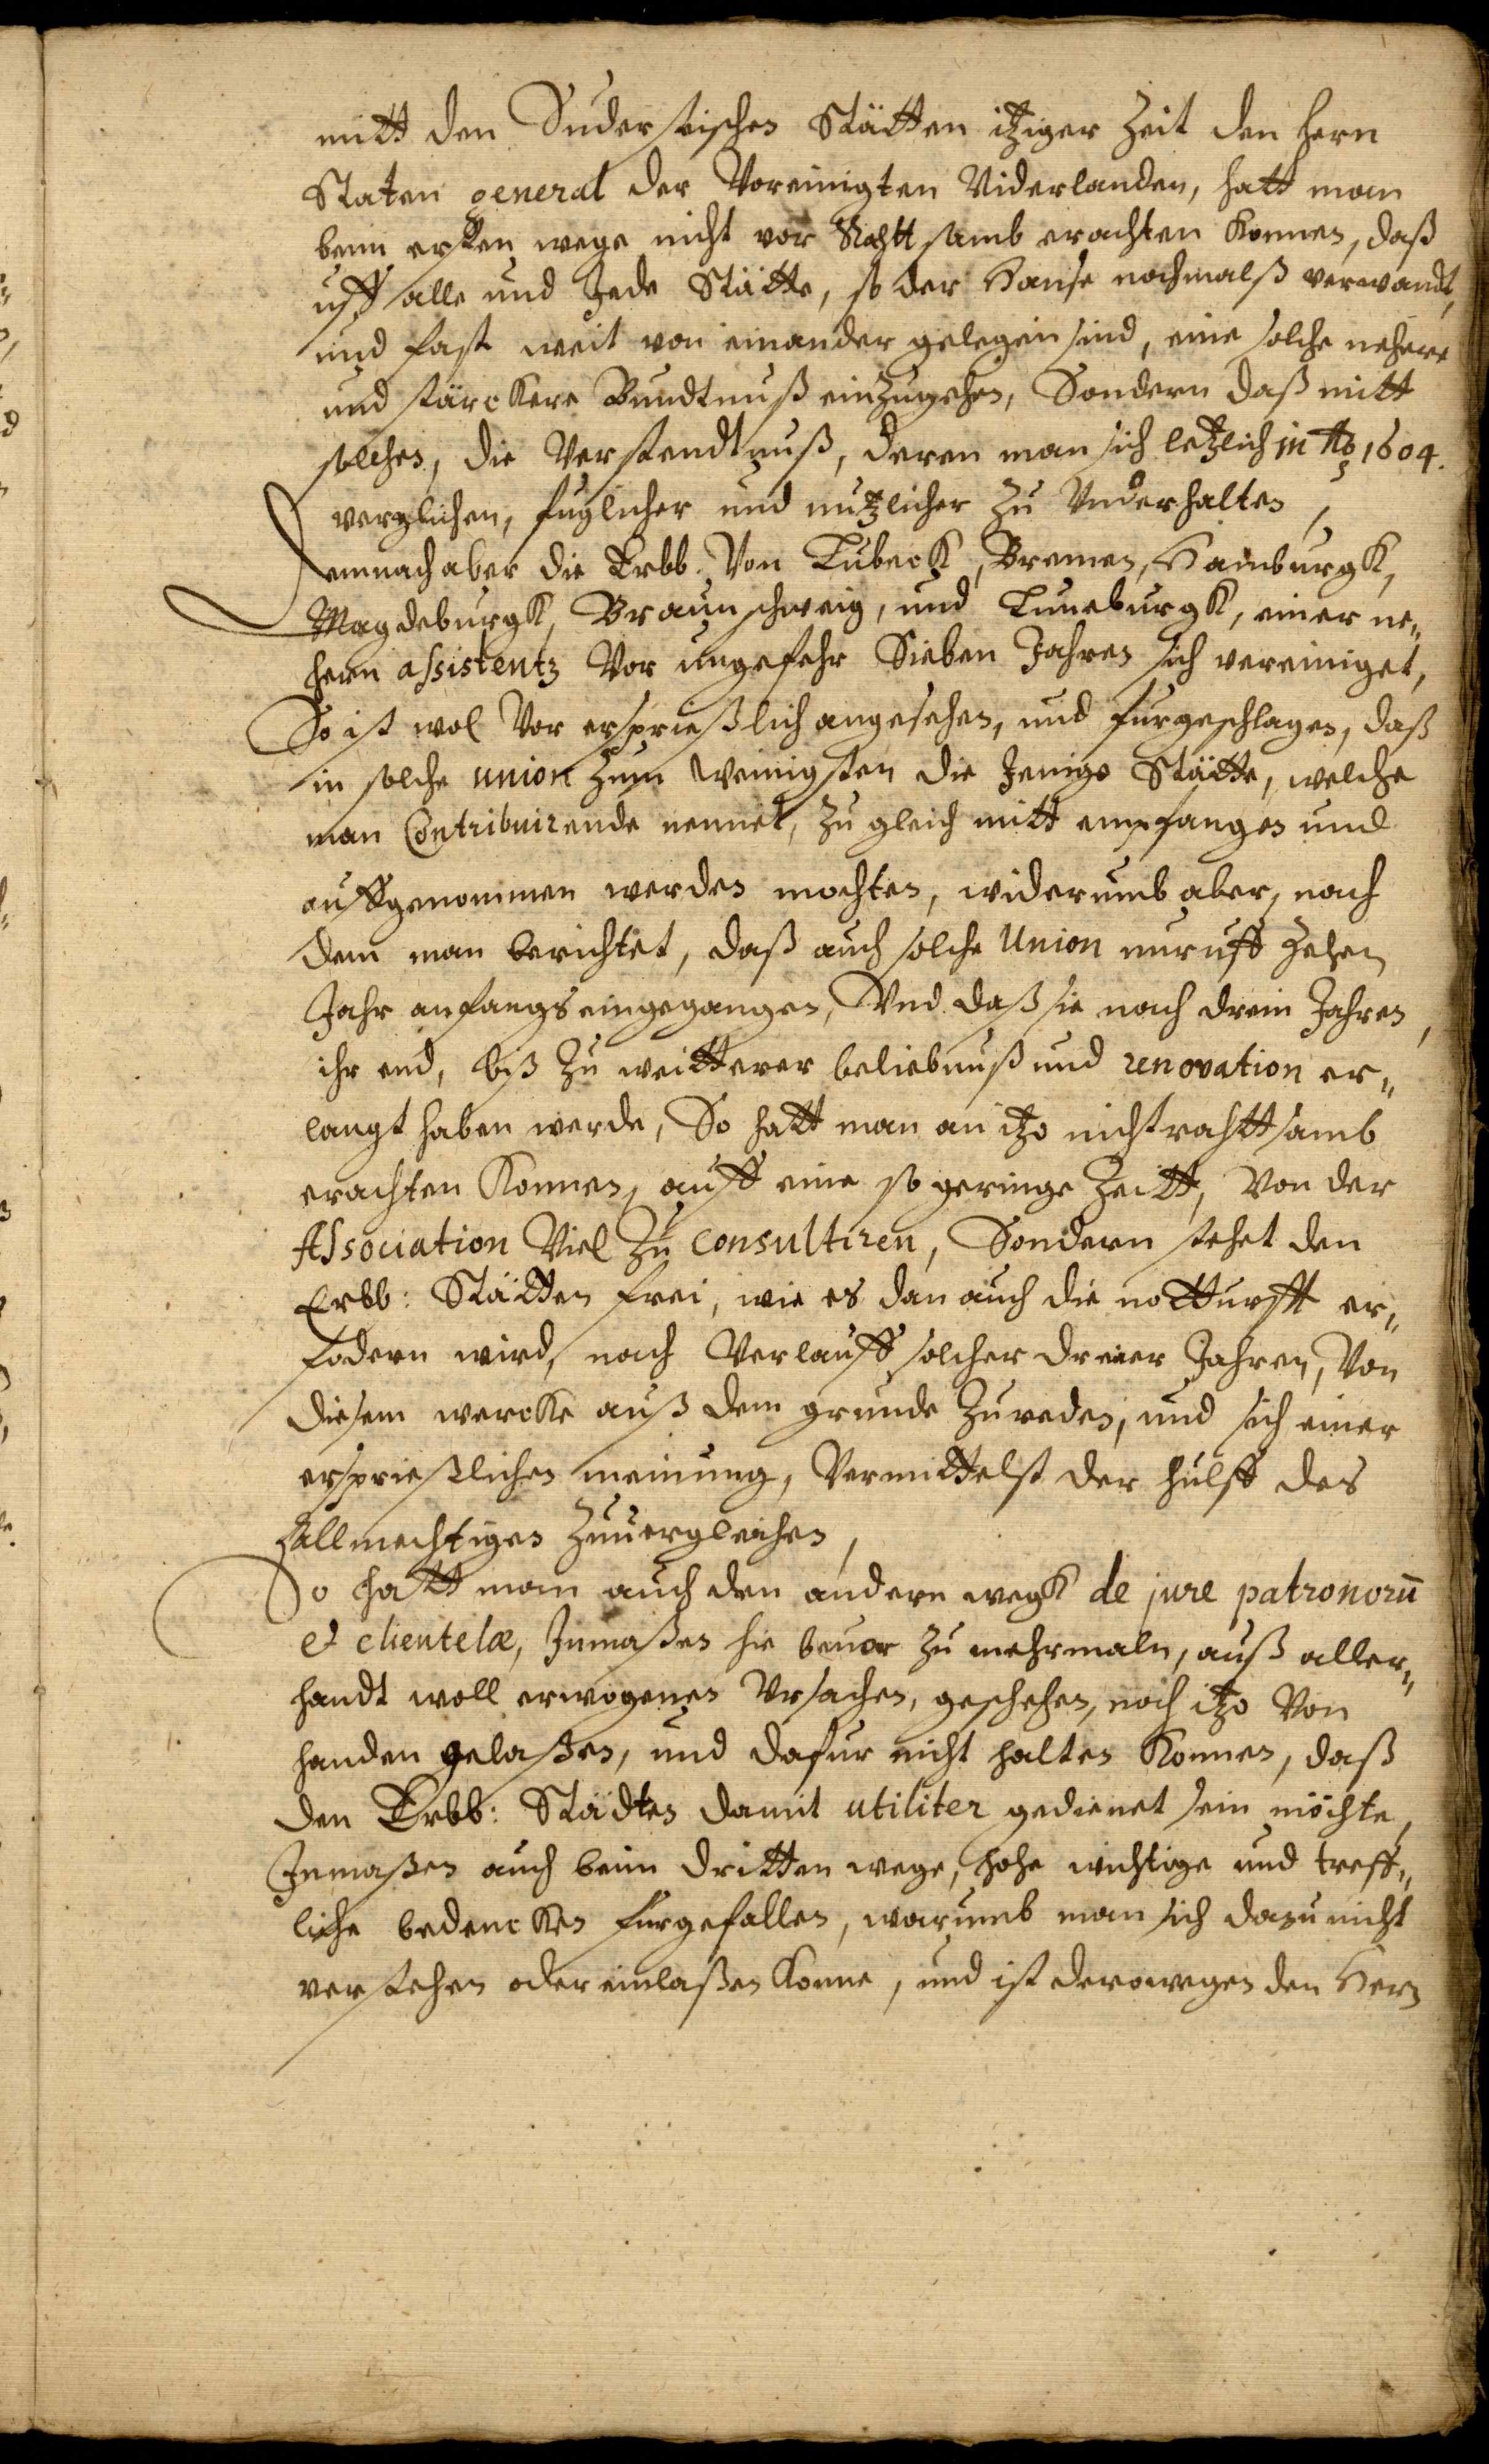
mitt den Suderseischen Stätten itziger Zeit den hern
Staten general der Voreinigten Niderlanden, hatt man
beim ersten wege nicht vor Rahttsamb erachten konnen, daß
uff alle und Jede Stätte, so der Hanse nochmalß verwandt,
und fast weit von einander gelegen sind, eine solche nehere
und stärckere Bundtnuß einzugehen, Sondern daß mitt
solchen, die Verstendtnuß, deren man sich letzlich in Ao p 1604.
verglichen, fuglicher und nutzlicher zu vnderhalten,
Demnach aber die Erbb. von Lubeck, Bremen, Hamburgk,
Magdeburgk, Braunschweig, und Luneburgk, einer ne¬
hern assistentz vor ungefehr Sieben Jahren sich vereiniget,
So ist wol vor ersprießlich angesehen, und furgeschlagen, daß
in solche union zum weinigsten die jenige Stätte, welche
man Contribuirende nennet, zu gleich mitt empfangen und
auffgenommen werden mochten, widerumb aber, nach
dem man berichtet, daß auch solche Union nur uff Zehen
Jahr anfangs eingegangen, Vnd daß sie nach drein Jahren,
ihr end, biß zu weitterer beliebnuß und renovation er¬
langt haben werde, So hatt man an itzo nicht rahttsamb
erachten konnen, auff eine so geringe Zeitt, von der
Association Viel Zu consultiren, Sondern stehet den
Erbb: Stätten frei, wie es dan auch die notturfft er¬
fodern wird, nach verlauff solcher dreier Jahren, Von
diesem wercke auß dem grunde Zu reden, und sich einer
ersprießlichen meinung, vermittelst der hulff des
Allmechtigen zuuergleichen,
So hatt man auch den andern wegk de iure patronorum
et clientelae, Inmaßen sie bevor zu mehrmaln, auß aller¬
handt woll erwogenen Vrsachen, geschehen, noch itzo Von
handen gelaßen, vnd dafur nicht halten konnen, daß
den Erbb: Städten damit utiliter gedienet sein möchte,
Inmaßen auch beim dritten wege, hohe wichtige und treff¬
liche bedencken furgefallen, warumb man sich dazu nicht
verstehen oder einlaßen konne, und ist derowegen den Hern
